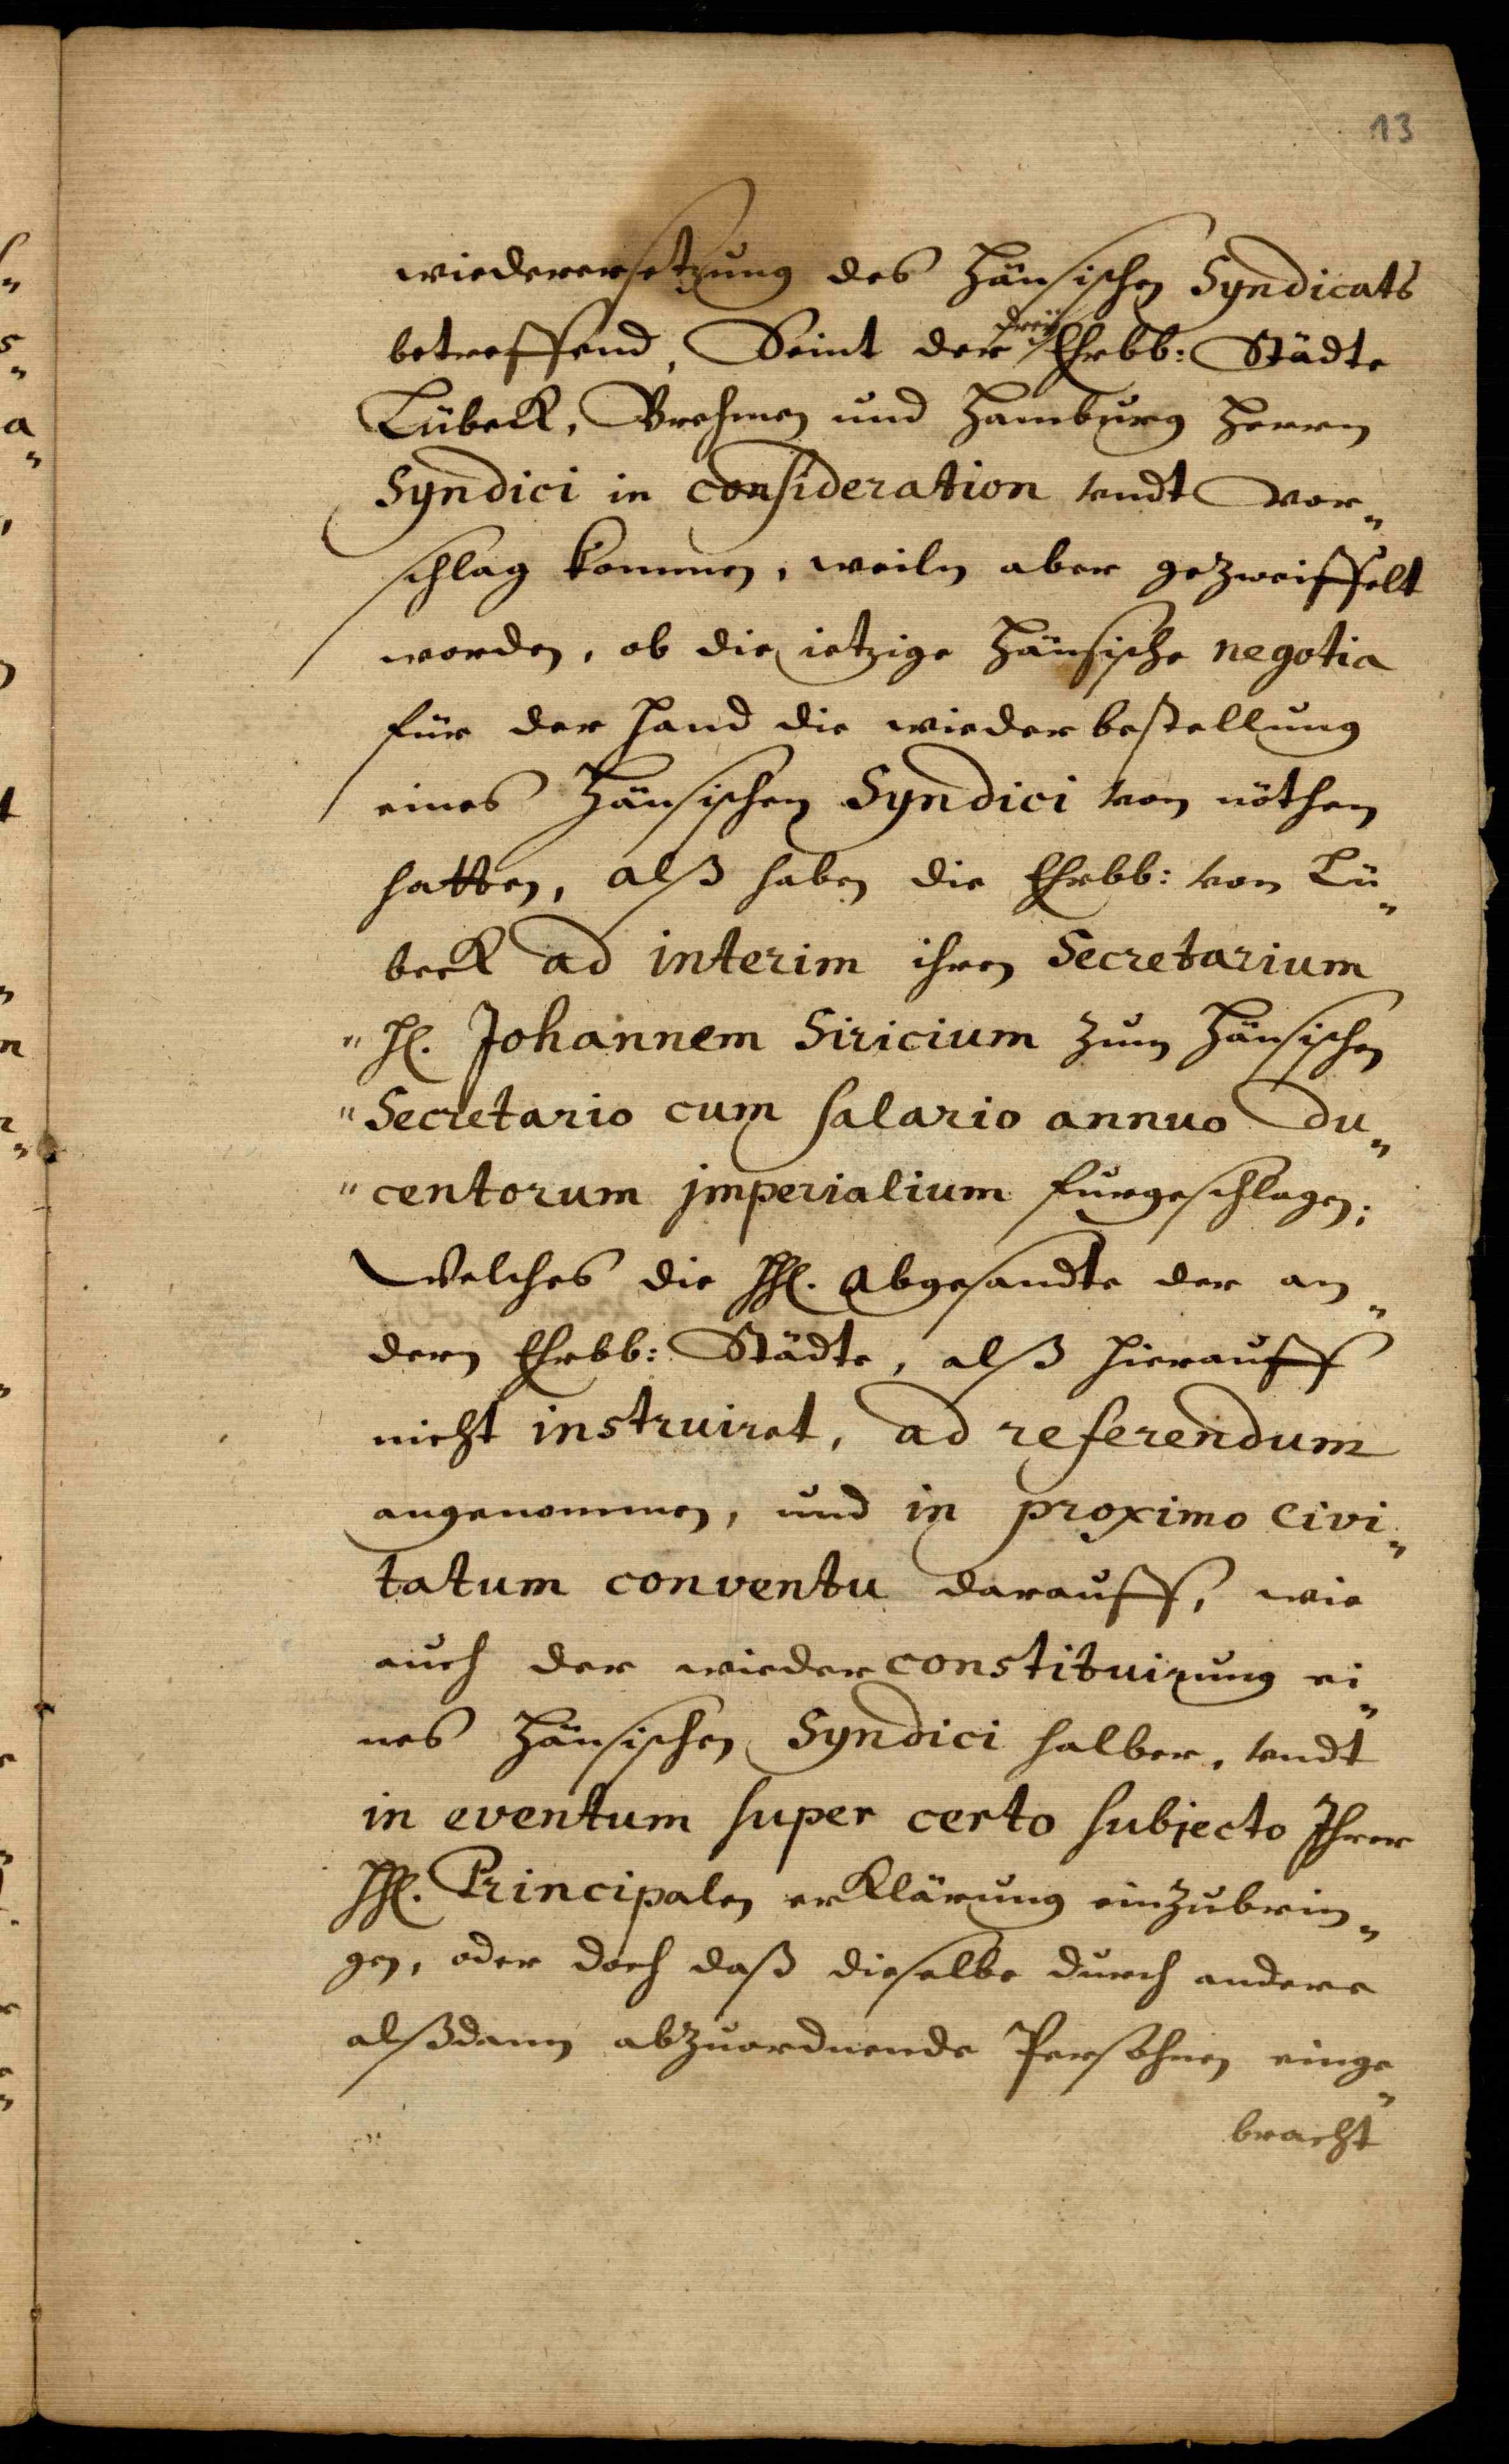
wiederersetzung des Hänsischen Syndicats
betreffend, Seint der dreij Erbb: Städte
Lübeck, Brehmen und Hamburg Herrn
Syndici in consideration vndt vor¬
schlag kommen, weiln aber gezweiffelt
worden, ob die ietzige Hänsische negotia
für der Hand die wieder bestellung
eines Hänsischen Syndici von nöthen
hatten, alß haben die Ehrbb: von Lü¬
beck ad interim ihren Secretarium
H. Johannem Siricium zum Hänscischen
Secretario cum salario annuo du¬
centorum imperialium furgeschlagen;
Welches die hhl. Abgesandte der an¬
dern Ehrbb: Städte, alß hierauff
nicht instruiret, ad referendum
angenommen, und in proximo civi¬
tatum conventu darauff, wie
auch der wieder constituirung ei¬
nes Hänsischen Syndici halber, vndt
in eventum super certo subjecto Ihrer
hhl. Principalen erklärung einzubrin¬
gen, oder doch daß dieselbe durch andere
alßdann abzuordnende Persohnen einge¬
bracht
